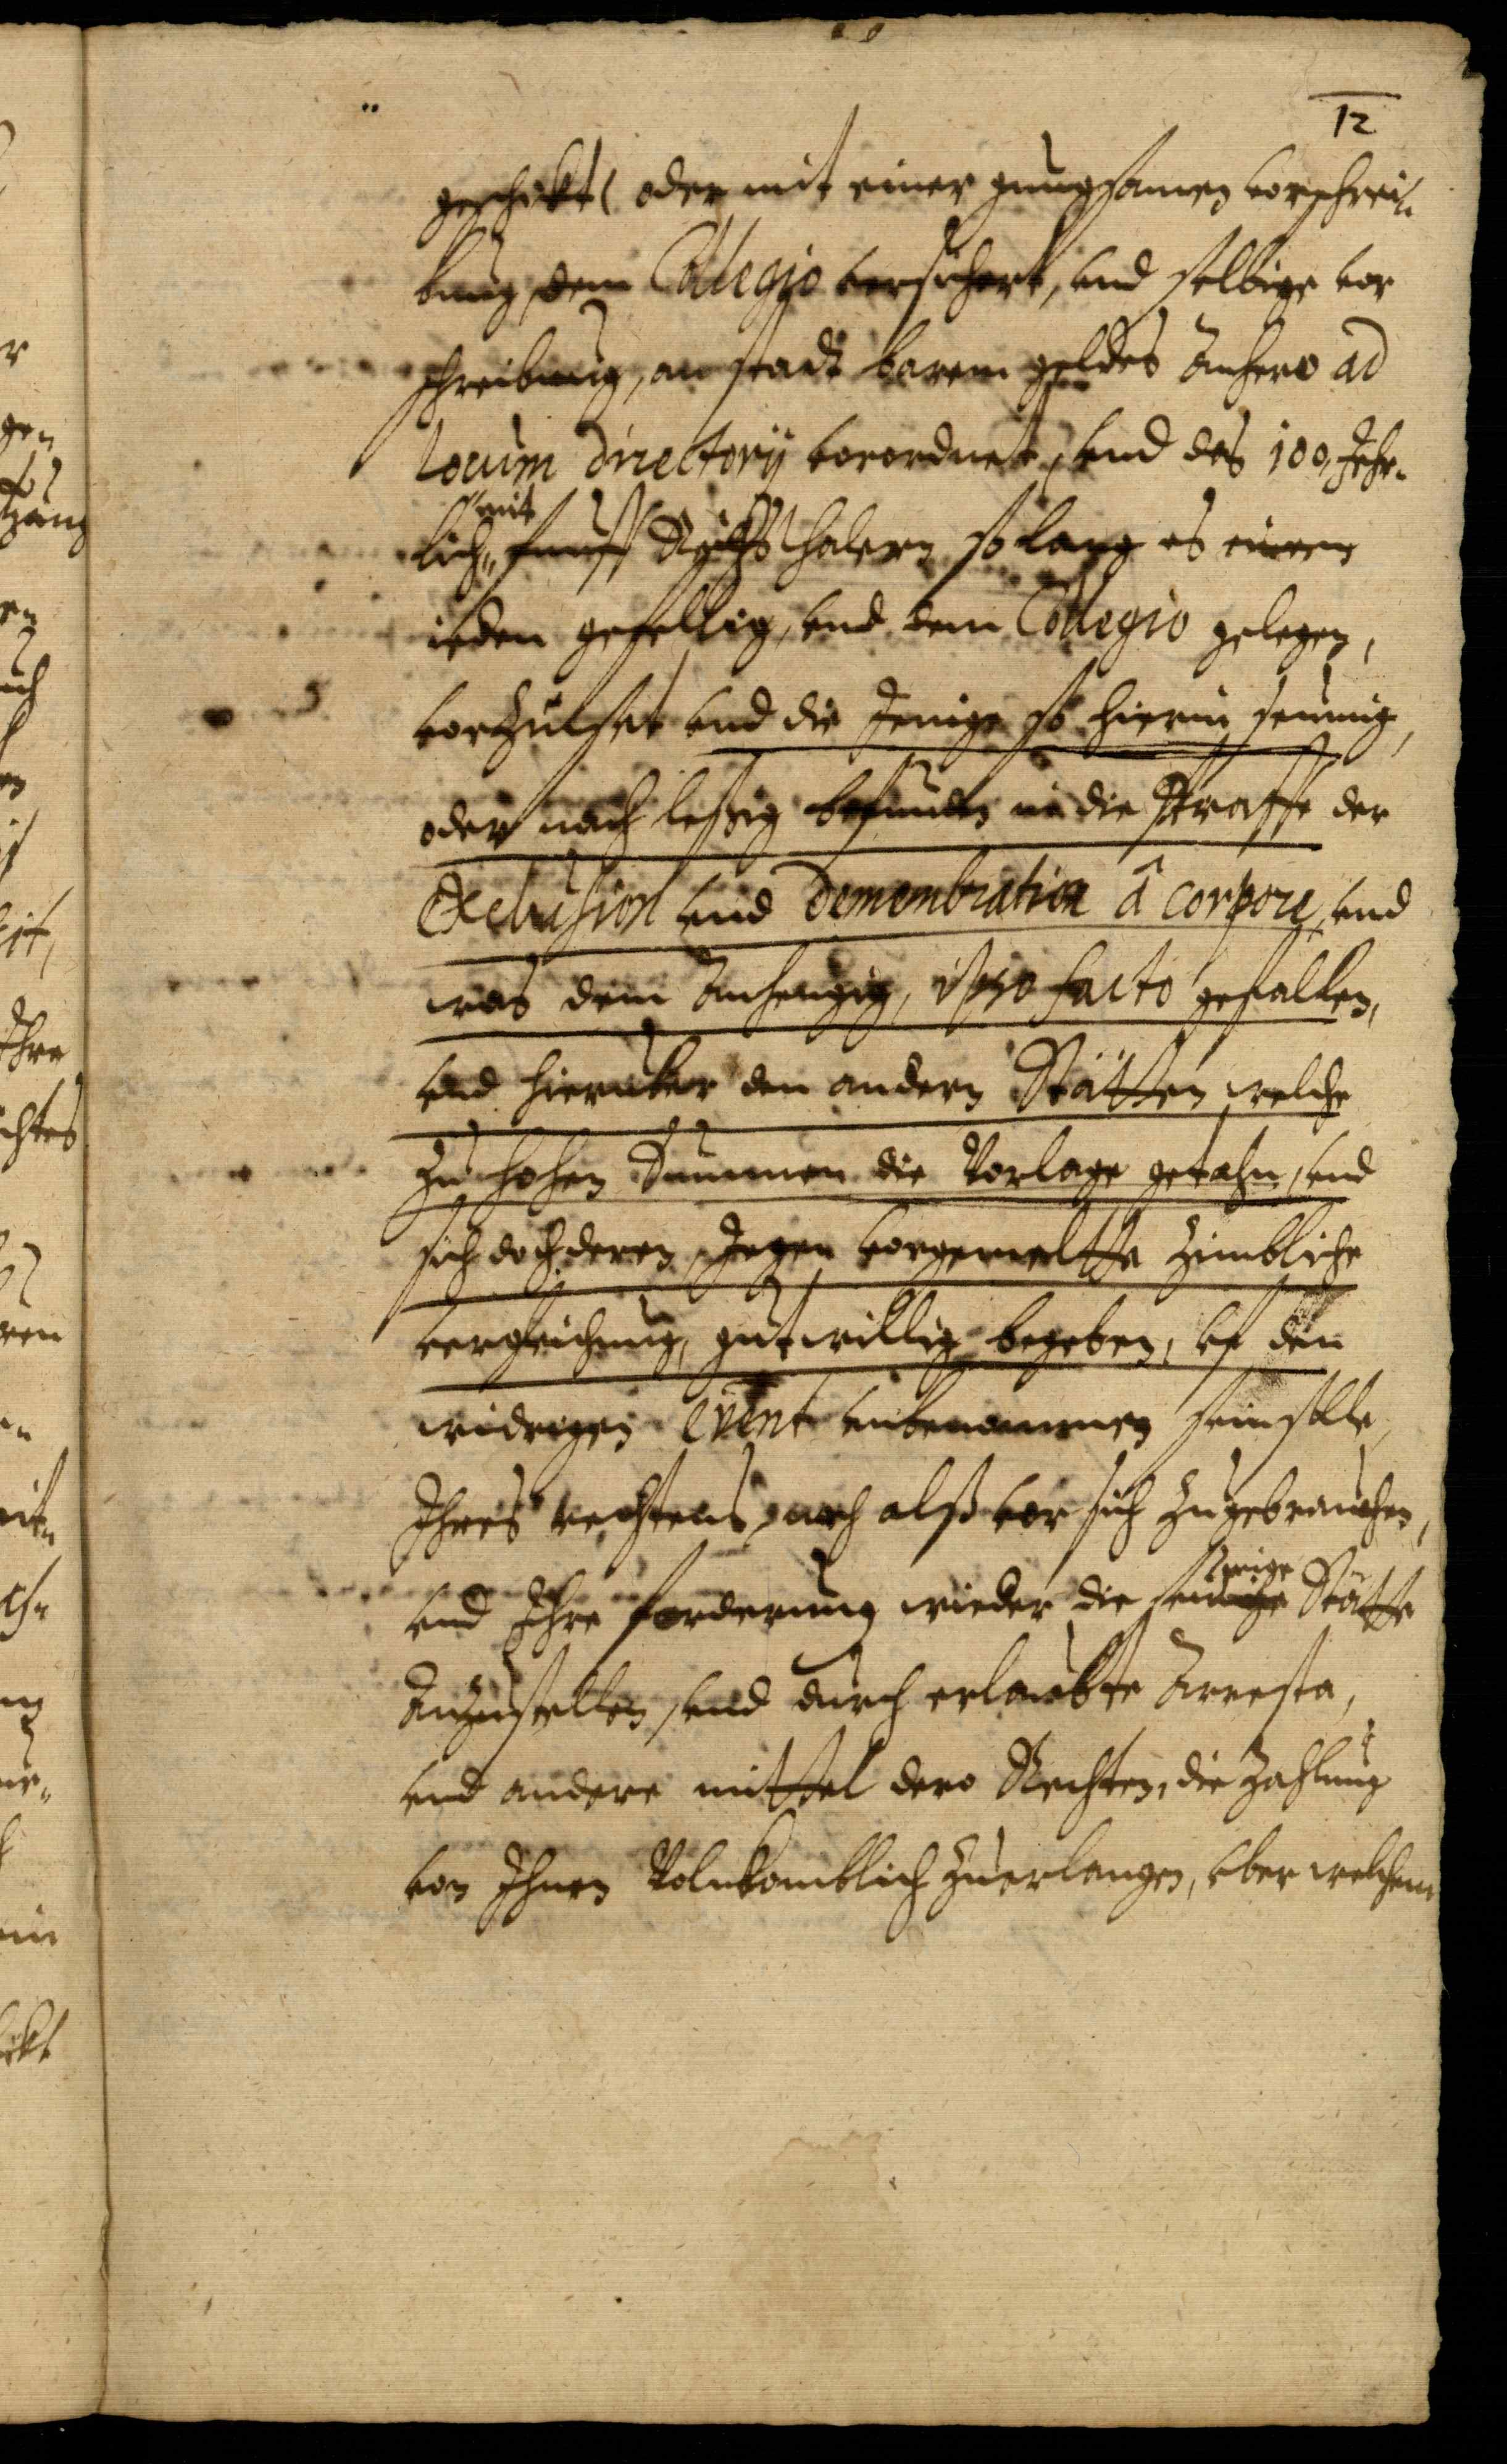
12
geschickt oder mit einer gnugsamen vorschrei¬
bung dem Collegio versichert, vnd selbige vor
schreibung, an stadt baren geldes anhero ad
locum directorii vorordent, vnd das 100 Jahr¬
lich mit funff Reichsthalern so lang es einen
ieden gefellig, vnd dem Collegio gelegen,
vorhulfet vnd die Jenige so hierin seumig,
oder nach leßig befunden in die Straffe der
executhion vnd demembration a corpore, vnd
was dem anhengig, ipso facto gehalten,
vnd hieruber den andern Stätten welche
zu hohen Summen die vorlage getahn, vnd
sich doch deren, Jegen vorgemeltte zimbliche
vorgleichung gutwillig begeben, vf den
widrigen event vnbenommen sein solte,
Ihres rechtens nach alß vor sich zu gebrauchen,
vnd Ihre forderung wieder die streitige Stätte
anzustellen, vnd durch erlaubte Arreste,
vnd andere mittel dero Rechten, die Zahlung
von Ihnen volnkomblich zuerlangen, vber welchem
